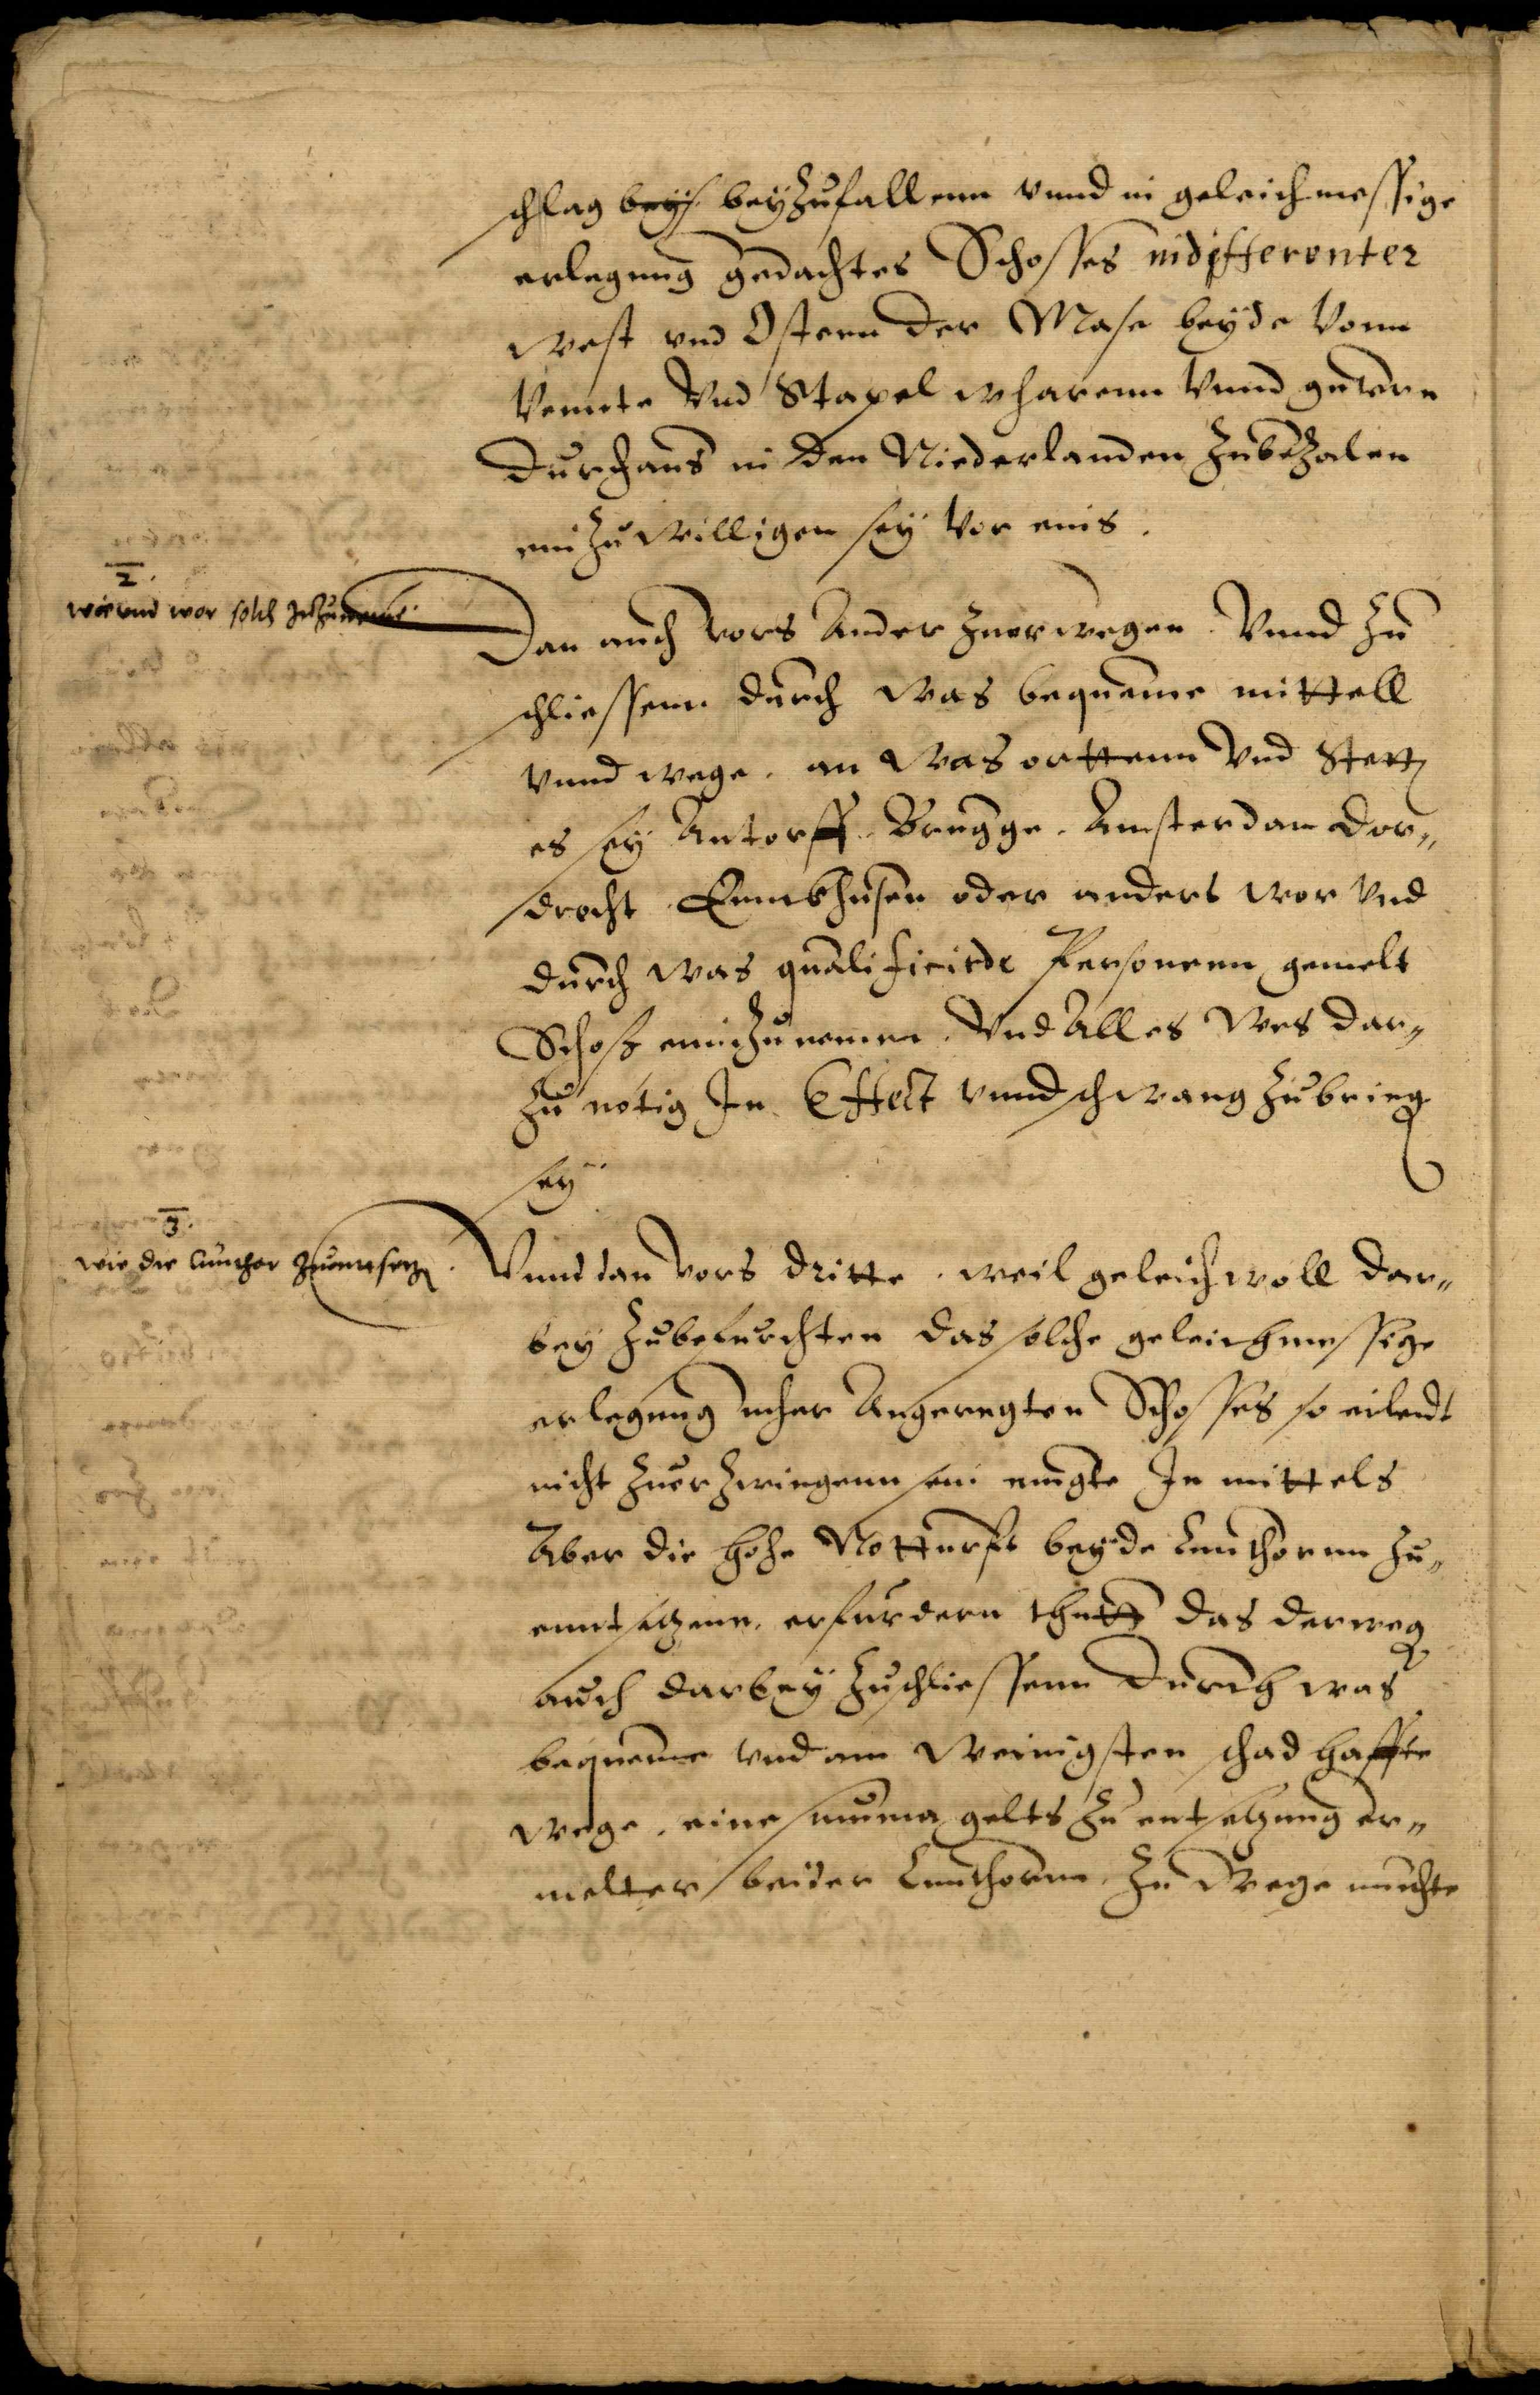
schlag beijs beijzufallenn vnnd in geleichmessige
erlegung gedachtes Schosses indifferenter
west vnd Ostenn der Mase beijde Vonn
Vennte vnd Stapelwharenn Vnnd gutern
Durchaus in den Niederlanden zu bezalen
einzuwilligen seij Vor eins.
2.
wie und wor solch Inzunemen
Dan auch vors Ander zuerwegen, Vnnd zu
schliessenn durch was bequeme mittell
vnnd wege, an Was orttenn vnd Stetten
es seij Antorff ,Brugge, Amsterdam Dor¬
drecht, Ennckhusen oder anders wor vnd
durch was qualificirte Personenn gemelt
Schoß einzunemen. Vnd Alles Wes dar¬
zu notig In Effect vnnd schwang zubringen
seij.
3.
Wie die Cunthor zuenttsetzen
Vnnd dan Vors dritte weil geleichwoll dar¬
beij zubefurchten das solche geleichmessige
erlegung mher Angeregten Schosses so eilendt
nicht zuerzwingenn sein mugte In mittels
Aber die Hohe Notturft beijde Cunthornn zu¬
enntsetzenn erfurdern thutt das derwegen
auch darbeij zuschliessenn Durch was
bequeme vnd am weinigsten schad haffte
wege, eine summa gelts zu entsetzung er¬
melter beider Cunthornn zu Wege muchte
